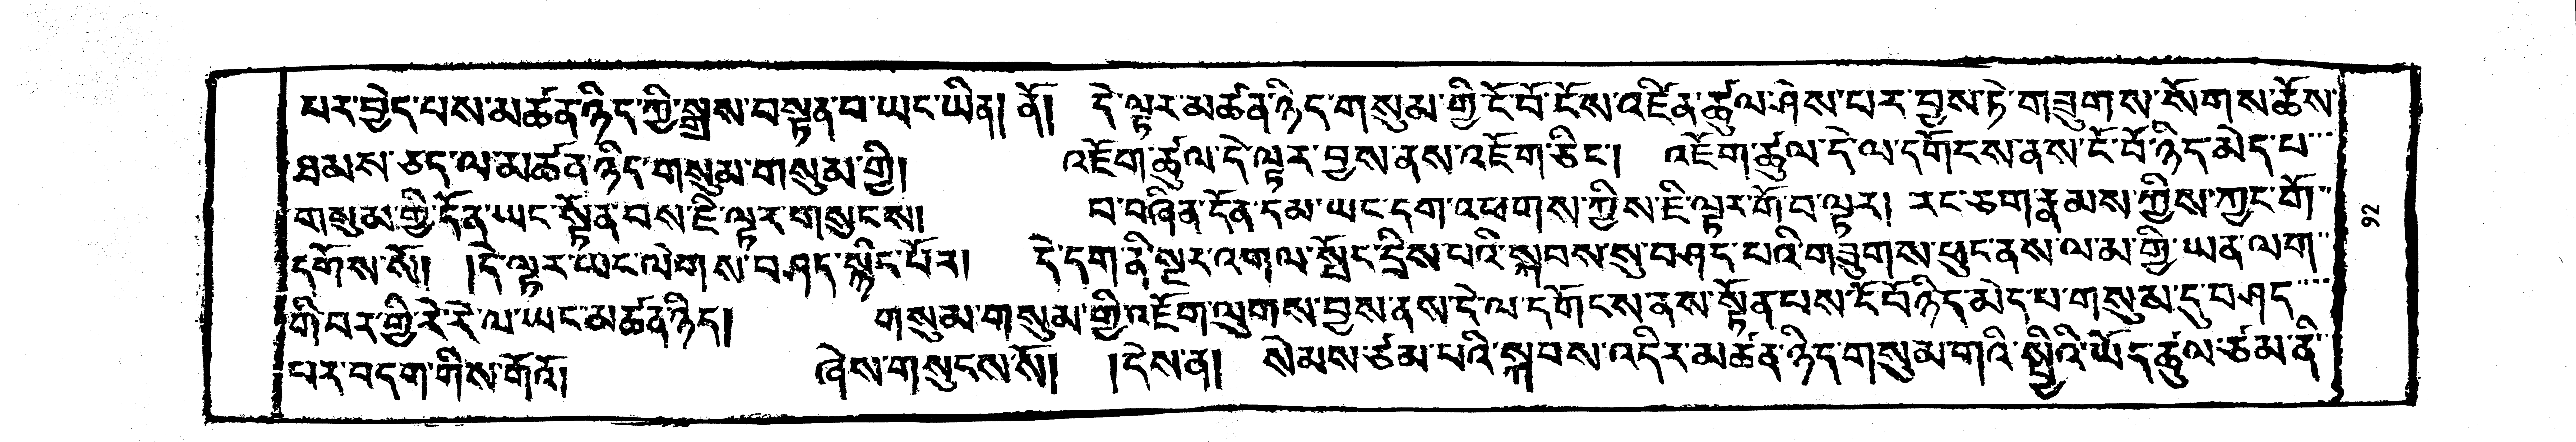པར་བྱེད་པས་མཚན་ཉིད་ཀྱི་སྒྲས་བསྟན་པ་ཡང་ཡིན་ནོ། དེ་ལྟར་མཚན་ཉིད་གསུམ་གྱི་ངོ་བོ་ངོས་འཛིན་ཚུལ་ཤེས་པར་བྱས་ཏེ་གཟུགས་སོགས་ཆོས་
ཐམས་ཅད་ལ་མཚན་ཉིད་གསུམ་གསུམ་གྱི། འཇོག་ཚུལ་དེ་ལྟར་བྱས་ནས་འཇོག་ཅིང་། འཇོག་ཚུལ་དེ་ལ་དགོངས་ནས་ངོ་བོ་ཉིད་མེད་པ་
གསུམ་གྱི་དོན་ཡང་སྟོན་པས་ཇི་ལྟར་གསུངས། བ་བཞིན་དོན་དམ་ཡང་དག་འཕགས་ཀྱིས་ཇི་ལྟར་གོ་བ་ལྟར། རང་ཅག་རྣམས་ཀྱིས་ཀྱང་གོ་
དགོས་སོ། །དེ་ལྟར་ཡང་ལེགས་བཤད་སྙིང་པོར། དེ་དག་ནི་སྔར་འགལ་སྤོང་དྲིས་པའི་སྐབས་སུ་བཤད་པའི་གཟུགས་ཕུང་ནས་ལམ་གྱི་ཡན་ལག་
གི་བར་གྱི་རེ་རེ་ལ་ཡང་མཚན་ཉིད། གསུམ་གསུམ་གྱི་འཇོག་ལུགས་བྱས་ནས་དེ་ལ་དགོངས་ནས་སྟོན་པས་ངོ་བོ་ཉིད་མེད་པ་གསུམ་དུ་བཤད་
པར་བདག་གིས་གོའོ། ཞེས་གསུངས་སོ། །དེས་ན། སེམས་ཙམ་པའི་སྐབས་འདིར་མཚན་ཉིད་གསུམ་གའི་སྤྱིའི་ཡོད་ཚུལ་ཙམ་ནི་